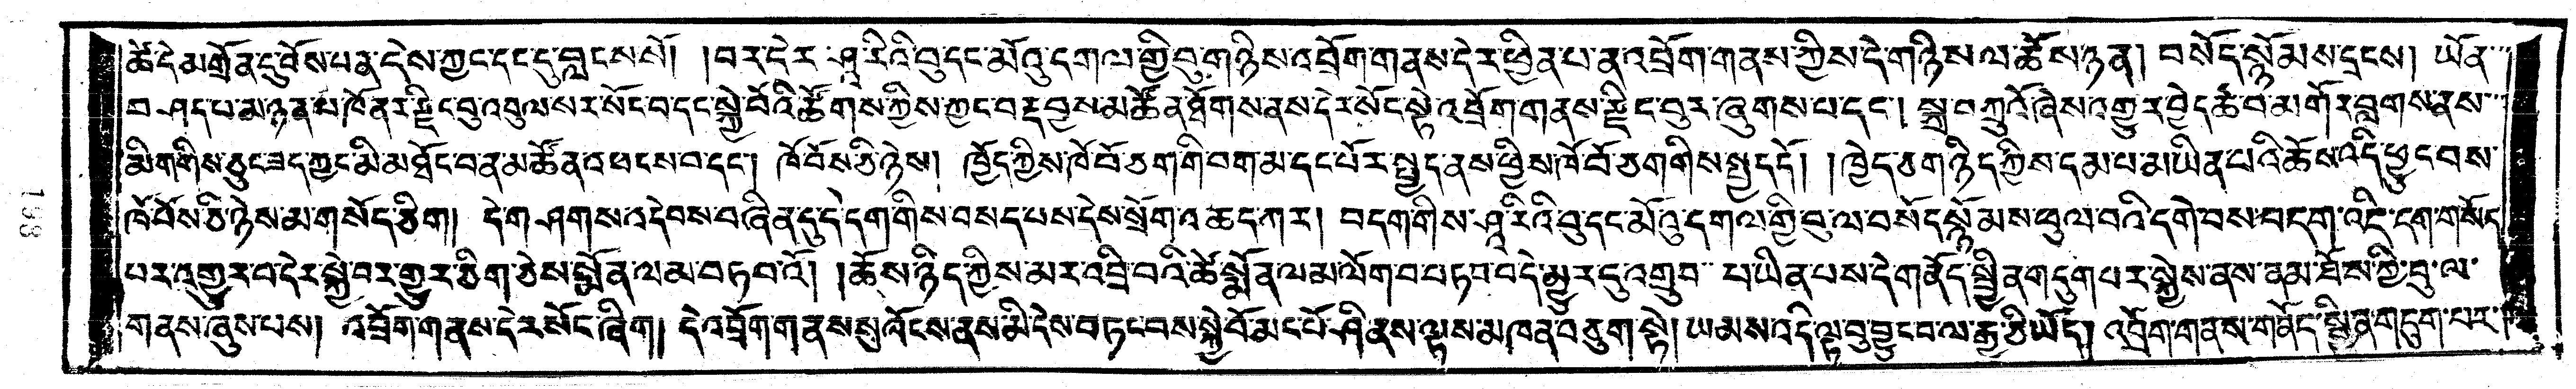ཚེ་དེ་མགྲོན་དུ་བོས་པན་དེས་ཀྱང་དང་དུ་བླངས་སོ། །བར་དེར་ཤཱ་རིའི་བུ་དང་མོའུ་དགལ་གྱི་བུ་གཉིས་འབྲོག་གནས་དེར་ཕྱིན་པ་ན་འབྲོག་གནས་ཀྱིས་དེ་གཉིས་ལ་ཆོས་ཉན། བསོད་སྙོམས་དྲངས། ཡོན་
བཤད་པ་མ་ཉན་པ་ཁོ་ནར་རྫིང་བུ་འབུལ་སར་སོང་བ་དང་སྐྱེ་བོའི་ཚོགས་ཀྱིས་ཀྱང་བརྡ་བྱས་མཚོན་ཐོགས་ནས་དེར་སོང་སྟེ་འབྲོག་གནས་རྫིང་བུར་ཞུགས་པ་དང་། སྐྲ་བཀྲུའོ་ཞེས་འགྱུར་བྱེད་ཚ་བ་མགོར་བླགས་ནས་
མིག་གིས་ཅུང་ཟད་ཀྱང་མི་མཐོང་བ་ན་མཚོན་འཕངས་པ་དང་། ཁོ་བོས་ཅི་ཉེས། ཁྱོད་ཀྱིས་ཁོ་བོ་ཅག་གི་བག་མ་དང་པོར་སྤྱད་ནས་ཕྱིས་ཁོ་བོ་ཅག་གིས་སྤྱད་དོ། །ཁྱེད་ཅག་ཉིད་ཀྱིས་དམ་པ་མ་ཡིན་པའི་ཆོས་འདི་ཕྱུང་བས་
ཁོ་བོས་ཅི་ཉེས་མ་གསོད་ཅིག། དེ་གཤགས་འདེབས་བཞིན་དུ་དེ་དག་གིས་བསད་པས་དེས་སྲོག་འཆད་ཀར། བདག་གིས་ཤཱ་རིའི་བུ་དང་མོ་འུ་དགལ་གྱི་བུ་ལ་བསོད་སྙོམས་ཕུལ་བའི་དགེ་བས་བདག་འདི་དག་གསོད་
པར་འགྱུར་བ་དེར་སྐྱེ་བར་གྱུར་ཅིག་ཅེས་སྨོན་ལམ་བཏབ་འོ། །ཆོས་ཉིད་ཀྱིས་མར་འབྲི་བའི་ཚེ་སྨོན་ལམ་ལོག་པ་བཏབ་བདེ་མྱུར་དུ་འགྲུབ་པ་ཡིན་པས་དེ་གནོད་སྦྱིན་གདུག་པར་སྐྱེས་ནས་ནམ་ཐོས་ཀྱི་བུ་ལ་
གནས་ཞུས་པས། འབྲོག་གནས་དེར་སོང་ཞིག། དེ་འབྲོག་གནས་སུ་འོངས་ནས་མི་དེས་བཏང་བས་སྐྱེ་བོ་མང་པོ་ཤི་ནས་ལྟས་མཁན་བཅུག་སྟེ། ཡམས་འདི་ལྟ་བུ་བྱུང་བ་ལ་རྒྱ་ཅི་ཡོད། འབྲོག་གནས་གནོད་སྦྱིན་གདུག་པར་